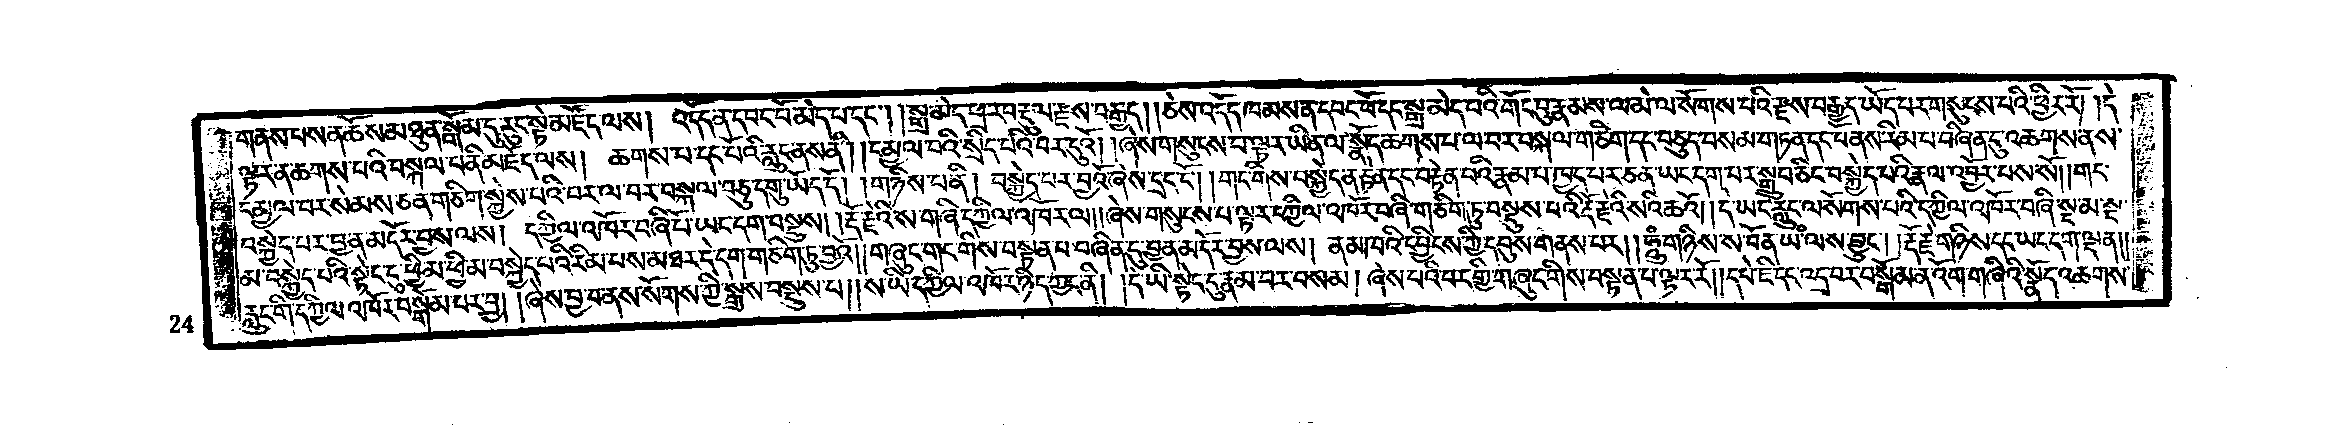གནས་པས་ན་ཆོས་མཐུན་སྒོམ་དུ་རུང་སྟེ་མཛོད་ལས། འདོད་ན་དབང་པོ་མེད་པ་དང་། །སྒྲ་མེད་ཕྲ་རབ་རྡུལ་རྫས་བརྒྱད། །ཅེས་འདོད་ཁམས་ན་དབང་པོ་དང་སྒྲ་མེད་པའི་གོང་བུ་རྣམས་ལ་མེ་ལ་སོགས་པའི་རྫས་བརྒྱད་ཡོད་པར་གསུངས་པའི་ཕྱིར་རོ། །དེ་
ལྟར་ན་ཆགས་པའི་བསྐལ་པ་ནི་མཛོད་ལས། ཆགས་པ་དང་པོའི་རླུང་ནས་ནི། །དམྱལ་བའི་སྲིད་པའི་བར་དུའོ། །ཞེས་གསུངས་པ་ལྟར་ཡིན་ལ་སྣོད་ཆགས་པ་ལ་བར་བསྐལ་གཅིག་དང་བཅུད་བསམ་གཏན་དང་པོ་ནས་རིམ་པ་བཞིན་དུ་འཆགས་ནས་
དམྱལ་བར་སེམས་ཅན་གཅིག་སྐྱེས་པའི་བར་ལ་བར་བསྐལ་བཅུ་དགུ་ཡོད་དོ། །གཉིས་པ་ནི། བསྐྱེད་པར་བྱའོ་ཞེས་དྲང་ངོ། །གང་གིས་བསྐྱེད་ན་རྟེན་དང་བརྟེན་པའི་རྣམ་པ་ཁྱད་པར་ཅན་ཡང་དག་པར་སྒྲུབ་ཅིང་བསྐྱེད་པའི་རྣལ་འབྱོར་པས་སོ། །གང་
བསྐྱེད་པར་བྱ་ན་མདོར་བྱས་ལས། དཀྱིལ་འཁོར་བཞི་པོ་ཡང་དག་བསྡུས། །རྡོ་རྗེའི་ས་གཞི་དཀྱིལ་འཁོར་ལ། །ཞེས་གསུངས་པ་ལྟར་དཀྱིལ་འཁོར་བཞི་གཅིག་ཏུ་བསྡུས་པའི་རྡོ་རྗེའི་སའི་ཆའོ། །དེ་ཡང་རླུང་ལ་སོགས་པའི་དཀྱིལ་འཁོར་བཞི་སྔ་མ་སྔ་
མ་བསྐྱེད་པའི་སྟེང་དུ་ཕྱི་མ་ཕྱི་མ་བསྐྱེད་པའི་རིམ་པས་མཐར་དེ་དག་གཅིག་ཏུ་བྱའོ། །གཞུང་གང་གིས་བསྟན་པ་བཞིན་དུ་བྱ་ན་མདོར་བྱས་ལས། ནམ་མཁའི་དབྱིངས་ཀྱི་དབུས་གནས་པར། །ཧཱུཾ་གཉིས་ས་དོན་ཡ་ལས་བྱུང་། །རྡོ་རྗེ་གཉིས་དང་ཡང་དག་ལྡན། །
རླུང་གི་དཀྱིལ་འཁོར་བསྒོམ་པར་བྱ། །ཞེས་བྱ་བ་ནས་སོགས་ཀྱི་སྒྲས་བསྡུས་པ། །ས་ཡི་དཀྱིལ་འཁོར་ཉིད་ཀྱང་ནི། །དེ་ཡི་སྟེང་དུ་རྣམ་པར་བསམ། ཞེས་པའི་བར་གྱི་གཞུང་གིས་བསྟན་པ་ལྟར་རོ། །དཔེ་ཇི་དང་འདྲ་བར་བསྒོམ་ན་འོག་གཞིའི་སྣོད་འཆགས་